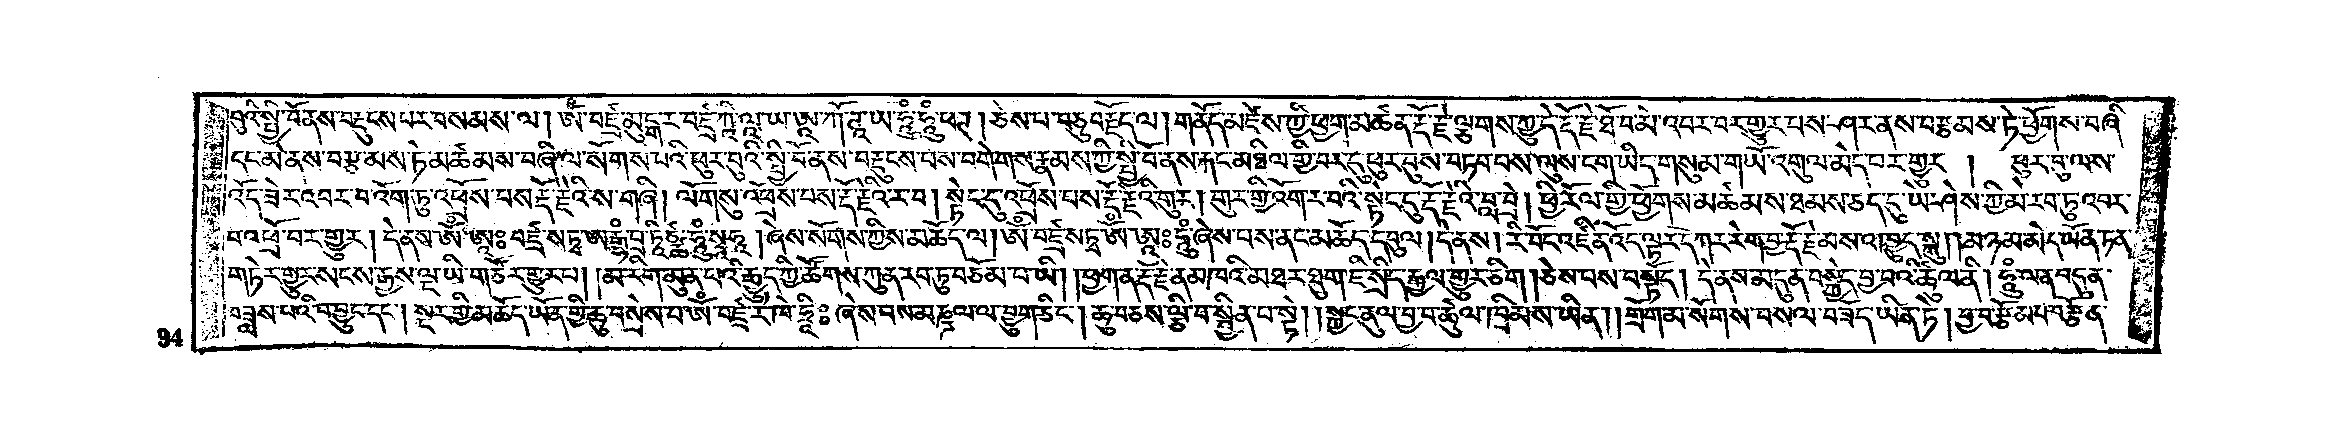བུའི་སྤྱི་བོ་ནས་བརྡུངས་པར་བསམས་ལ། ཨོཾ་བཛྲ་མུངྒ་ར་བཛྲ་ཀཱི་ལཱ་ཡ་ཨཱ་ཀོ་ཊཱ་ཡ་ཧཱུཾ་ཧཱུཾ་ཕཊ། ཅེས་པ་བཅུ་བརྗོད་ལ། གནོད་མཛེས་ཀྱི་ཕྱག་མཚན་རྡོ་རྗེ་ལྕགས་ཀྱུ་དེ་རྡོ་རྗེ་ཐོ་བ་མེ་འབར་བར་གྱུར་པས་ཤར་ནས་བརྩམས་ཏེ་ཕྱོགས་བཞི་
དང་མེ་ནས་བརྩམས་ཏེ་མཚམས་བཞི་ལ་སོགས་པའི་ཕུར་བུའི་སྤྱི་བོ་ནས་བརྡུངས་པས་བགེགས་རྣམས་ཀྱི་སྤྱི་བོ་ནས་རྐང་མཐིལ་གྱི་བར་དུ་ཕུར་བུས་བཏབ་པས་ལུས་ངག་ཡིད་གསུམ་གཡོ་འགུལ་མེད་པར་གྱུར། ཕུར་བུ་ལས་
འོད་ཟེར་འབར་བ་འོག་ཏུ་འཕྲོས་པས་རྡོ་རྗེའི་ས་གཞི། ལོགས་སུ་འཕྲོས་པས་རྡོ་རྗེའི་ར་བ། སྟེང་དུ་འཕྲོས་པས་རྡོ་རྗེའི་གུར། གུར་གྱི་འོག་ར་བའི་སྟེང་དུ་རྡོ་རྗེའི་བླ་བྲེ། ཕྱི་རོལ་གྱི་ཕྱོགས་མཚམས་ཐམས་ཅད་དུ་ཡེ་ཤེས་ཀྱི་མེ་རབ་ཏུ་འབར་
བ་འཕྲོ་བར་གྱུར། དེ་ནས་ཨོཾ་ཨཱཿ བཛྲ་སཏྭ་ཨརགྷཾ་པྲ་ཏཱི་ཙྪ་ཧཱུཾ་སྭཱཧཱ། ཞེས་སོགས་ཀྱིས་མཆོད་ལ། ཨོཾ་བཛྲ་སཏྭ་ཨོཾ་ཨཱཿ ཧཱུཾ་ཞེས་པས་ནང་མཆོད་དབུལ། དེ་ནས། རི་བོང་འཛིན་འོད་ལྟར་དཀར་རེག་བྱ་རྡོ་རྗེ་མས་འཁྱུད་སྐུ། །མཉམ་མེད་ཡོན་ཏན་
གཏེར་གྱུར་སངས་རྒྱས་ལྔ་ཡི་གཙོར་གྱུར་པ། །མ་རིག་མུན་པའི་རྒྱུད་ཀྱི་ཚོགས་ཀུན་རབ་ཏུ་བཅོམ་པ་ཡི། །ཕྱག་ན་རྡོ་རྗེ་ནམ་མཁའི་མཐར་ཐུག་ཇི་སྲིད་རྒྱལ་གྱུར་ཅིག །ཅེས་པས་བསྟོད། དེ་ནས་མདུན་བསྐྱེད་བྱ་བའི་ཚུལ་ནི། ཧཱུཾ་ལན་བདུན་
བཟླས་པའི་བ་བྱུང་དང་། སྔར་གྱི་མཆོད་ཡོན་གྱི་ཆུ་བསྲེས་པ་ཨོཾ་བཛྲ་རེ་ཁེ་ཧྲཱིཿ ཞེས་བས་མཎྜལ་ལ་བྱུག་ཅིང་། ཆུ་བཅས་ལྕི་བ་སྦྱིན་པ་སྟེ། །སྐྱང་ནུལ་བྱ་བ་ཚུལ་ཁྲིམས་ཡིན། །གྲོག་མ་སོགས་བསལ་བཟོད་ཡིན་ཏེ། བྱ་བ་རྩོམ་པ་བརྩོན་